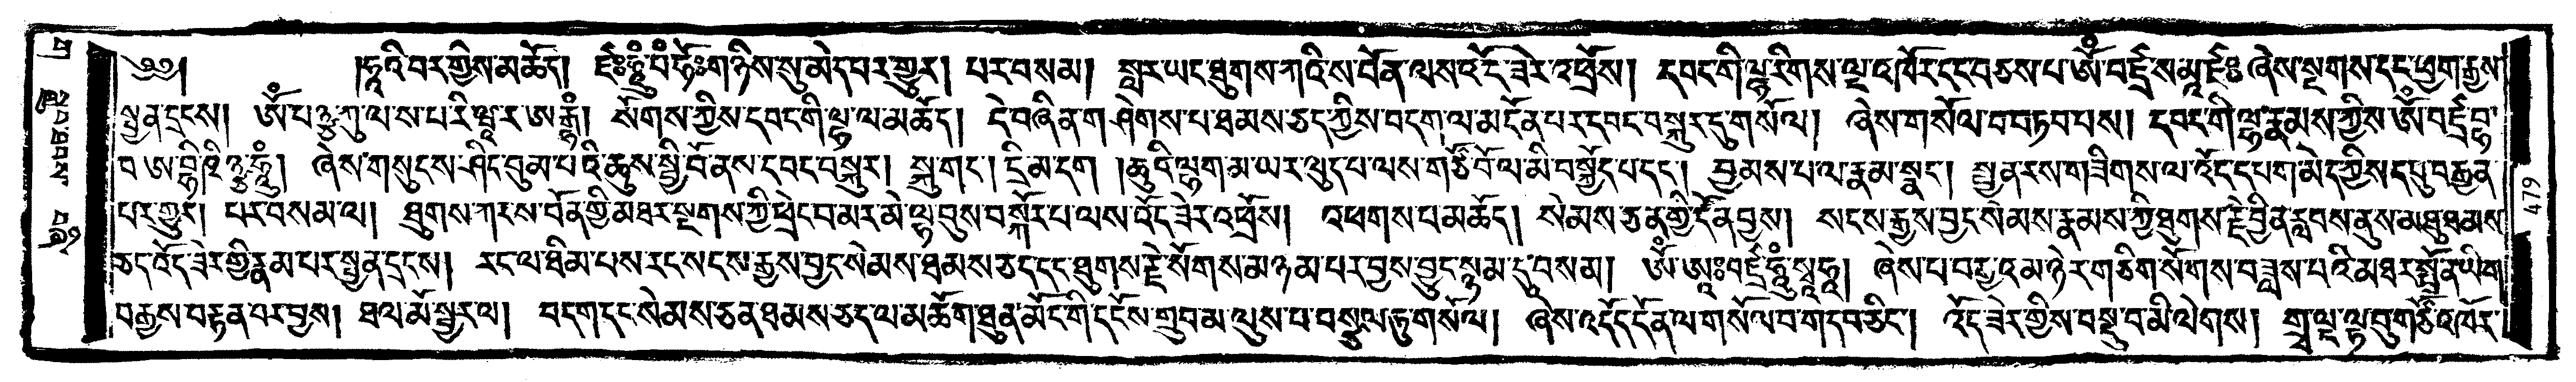༄༅། །ཧཱའི་བར་གྱིས་མཆོད། ཛཿཧཱུཾ་བཾ་ཧོཿགཉིས་སུ་མེད་པར་གྱུར། པར་བསམ། སླར་ཡང་ཐུགས་ཀའི་ས་བོན་ལས་འོད་ཟེར་འཕྲོས། དབང་གི་ལྷ་རིགས་ལྔ་འཁོར་དང་བཅས་པ་ཨོཾ་བཛྲ་ས་མཱ་ཛཿ ཞེས་སྔགས་དང་ཕྱག་རྒྱས་
སྤྱན་དྲངས། ཨོཾ་པཉྩ་ཀུ་ལ་ས་པ་རི་ཝཱ་ར་ཨརྒྷཾ། སོགས་ཀྱིས་དབང་གི་ལྷ་ལ་མཆོད། དེ་བཞིན་གཤེགས་པ་ཐམས་ཅད་ཀྱིས་བདག་ལ་མངོན་པར་དབང་བསྐུར་དུ་གསོལ། ཞེས་གསོལ་བ་བཏབ་པས། དབང་གི་ལྷ་རྣམས་ཀྱིས་ཨོཾ་བཛྲ་བྷ་
བ་ཨ་བྷི་ཥིཉྩ་ཧཱུཾ། ཞེས་གསུངས་ཤིང་བུམ་པའི་ཆུས་སྤྱི་བོ་ནས་དབང་བསྐུར། སྐུ་གང་། དྲི་མ་དག །ཆུའི་ལྷག་མ་ཡར་ལུད་པ་ལས་གཙོ་བོ་ལ་མི་བསྐྱོད་པ་དང་། བྱམས་པ་ལ་རྣམ་སྣང་། སྤྱན་རས་གཟིགས་ལ་འོད་དཔག་མེད་ཀྱིས་དབུ་བརྒྱན་
པར་གྱུར། པར་བསམ་ལ། ཐུགས་ཀར་ས་བོན་གྱི་མཐར་སྔགས་ཀྱི་ཕྲེང་བ་མར་མེ་ལྟ་བུས་བསྐོར་པ་ལས་འོད་ཟེར་འཕྲོས། འཕགས་པ་མཆོད། སེམས་ཅན་གྱི་དོན་བྱས། སངས་རྒྱས་བྱང་སེམས་རྣམས་ཀྱི་ཐུགས་རྗེ་བྱིན་རླབས་ནུས་མཐུ་ཐམས་
ཅད་འོད་ཟེར་གྱི་རྣམ་པར་སྤྱན་དྲངས། རང་ལ་ཐིམ་པས་རང་སངས་རྒྱས་བྱང་སེམས་ཐམས་ཅད་དང་ཐུགས་རྗེ་སོགས་མཉམ་པར་བྱས་བྱུང་སྙམ་དུ་བསམ། ཨོཾ་ཨཱཿབཛྲ་ཧཱུཾ་སྭཱཧཱ། ཞེས་པ་བརྒྱ་འམ་ཉེར་གཅིག་སོགས་བཟླས་པའི་མཐར་སྤྲོ་ན་ཡིག་
བརྒྱས་བརྟན་པར་བྱས། ཐལ་མོ་སྦྱར་ལ། བདག་དང་སེམས་ཅན་ཐམས་ཅད་ལ་མཆོག་ཐུན་མོང་གི་དངོས་གྲུབ་མ་ལུས་པ་བསྩལ་ཏུ་གསོལ། ཞེས་འདོད་དོན་ལ་གསོལ་བ་གདབ་ཅིང་། འོད་ཟེར་གྱིས་བསྡུ་བ་མི་ལེགས། གྲྭ་ལྔ་ལྟ་བུ་གཙོ་འཁོར་